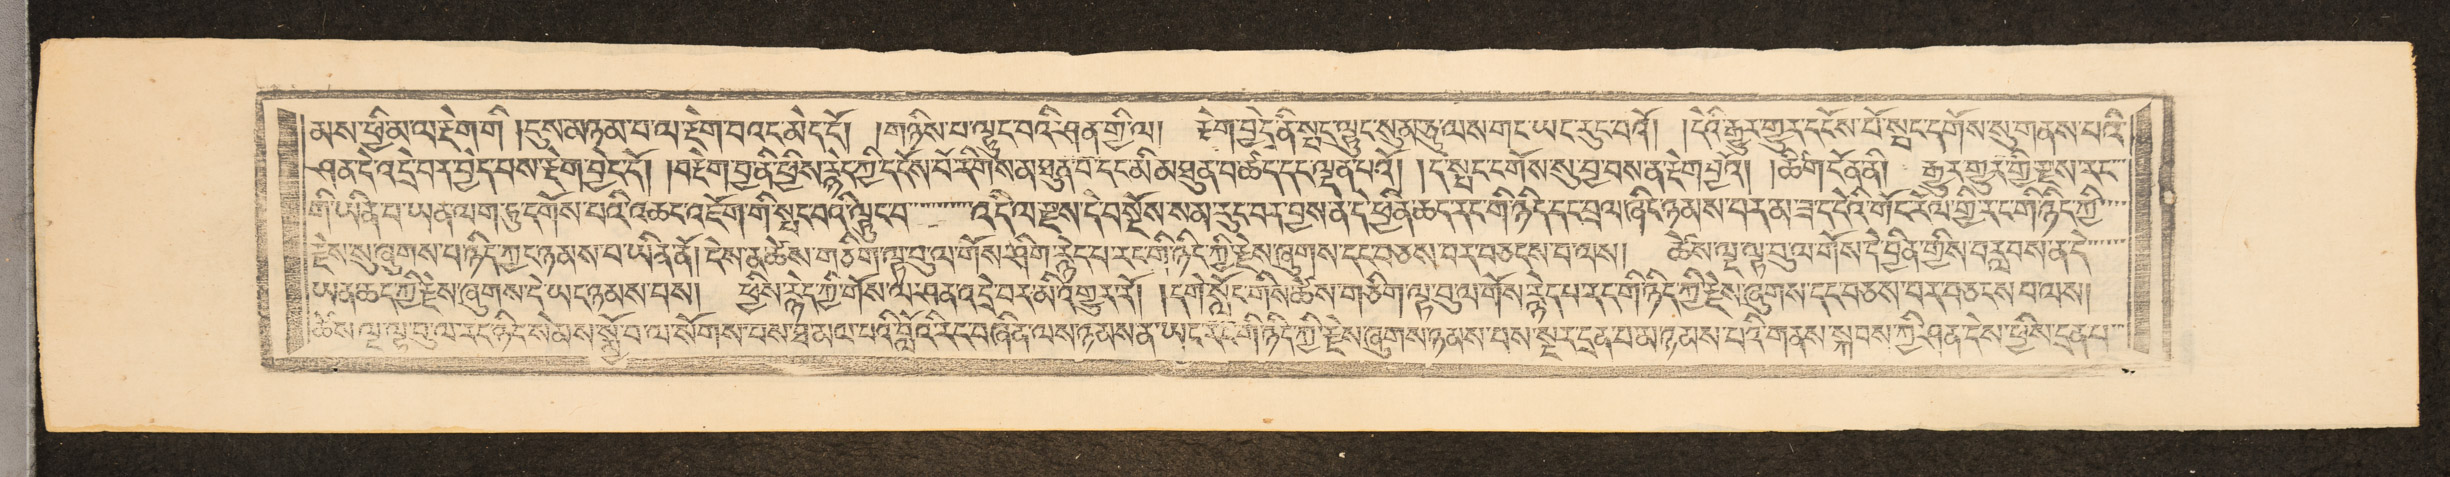མས་ཕྱི་མ་ལ་རྡེག་གི །དུས་མཉམ་པ་ལ་རྡེག་པའང་མེད་དོ། །གཉིས་པ་ལྟུང་བའི་ཤན་གྱི་ལ། རྡེག་བྱེད་ནི་སྤང་ལྟུང་སུམ་ཅུ་ལས་གང་ཡང་རུང་བའོ། །དེའི་རྒྱུར་གྱུར་དངོས་པོ་སྤང་དགོས་སུ་གནས་པའི་
ཤན་དེ་འདྲེ་བར་བྱེད་པས་རྡེག་བྱེད་དོ། །བརྡེག་བྱ་ནི་ཕྱིས་རྙེད་ཀྱི་དངོས་པོ་རིགས་མཐུན་པ་དང་མི་མཐུན་པ་ཚད་དང་ལྡན་པའོ། །དེ་སྤང་དགོས་སུ་བྱ་བས་ན་རྡེག་བྱའོ། །ཚིག་དོན་ནི། རྒྱུར་གྱུར་གྱི་རྫས་རང་
གི་ཡིན་པ་ཡན་ལག་ཏུ་དགོས་པའི་འཆང་འཇོག་གི་སྤང་བའི་ལྟུང་བ་འདི་ལ་རྫས་དེ་བསྔོས་སམ་རུང་བར་བྱས་ན་དེ་ཕྱིན་ཆད་རང་གི་ཉིད་དང་བྲལ་ཞིང་ཉམས་པར་མ་ཟད་དེའི་གོང་རོལ་གྱི་རང་གི་ཉིད་ཀྱི་
རྗེས་སུ་ཞུགས་པ་ཉིད་ཀྱང་ཉམས་པ་ཡིན་ནོ། དེས་ན་ཚེས་གཅིག་ལྟ་བུ་ལ་གོས་ཤིག་རྙེད་པ་རང་གི་ཉིད་ཀྱི་རྗེས་ཞུགས་དང་བཅས་པར་བཅངས་པ་ལས། ཚེས་ལྔ་ལྟ་བུ་ལ་གོས་དེ་བྱིན་གྱིས་བརླབས་ན་དེ་
ཡན་ཆད་ཀྱི་རྗེས་ཞུགས་དེ་ཡང་ཉམས་པས། ཕྱིས་རྙེད་ཀྱི་གོས་ལ་ཤན་འདྲེ་བར་མི་འགྱུར་རོ། །དགེ་སློང་གིས་ཚེས་གཅིག་ལྟ་བུ་ལ་གོས་རྙེད་པ་རང་གི་ཉིད་ཀྱི་རྗེས་ཞུགས་དང་བཅས་པར་བཅངས་པ་ལས།
ཚེས་ལྔ་ལྟ་བུ་ལ་རང་ཉིད་སེམས་སྨྱོ་བ་ལ་སོགས་པས་ཐ་མལ་པའི་བློའི་རང་བཞིན་ལས་ཉམས་ན་ཡང་རང་གི་ཉིད་ཀྱི་རྗེས་ཞུགས་ཉམས་པས་སྔར་དྲན་པ་མ་ཉམས་པའི་གནས་སྐབས་ཀྱི་ཤན་དེས་ཕྱིས་དྲན་པ་